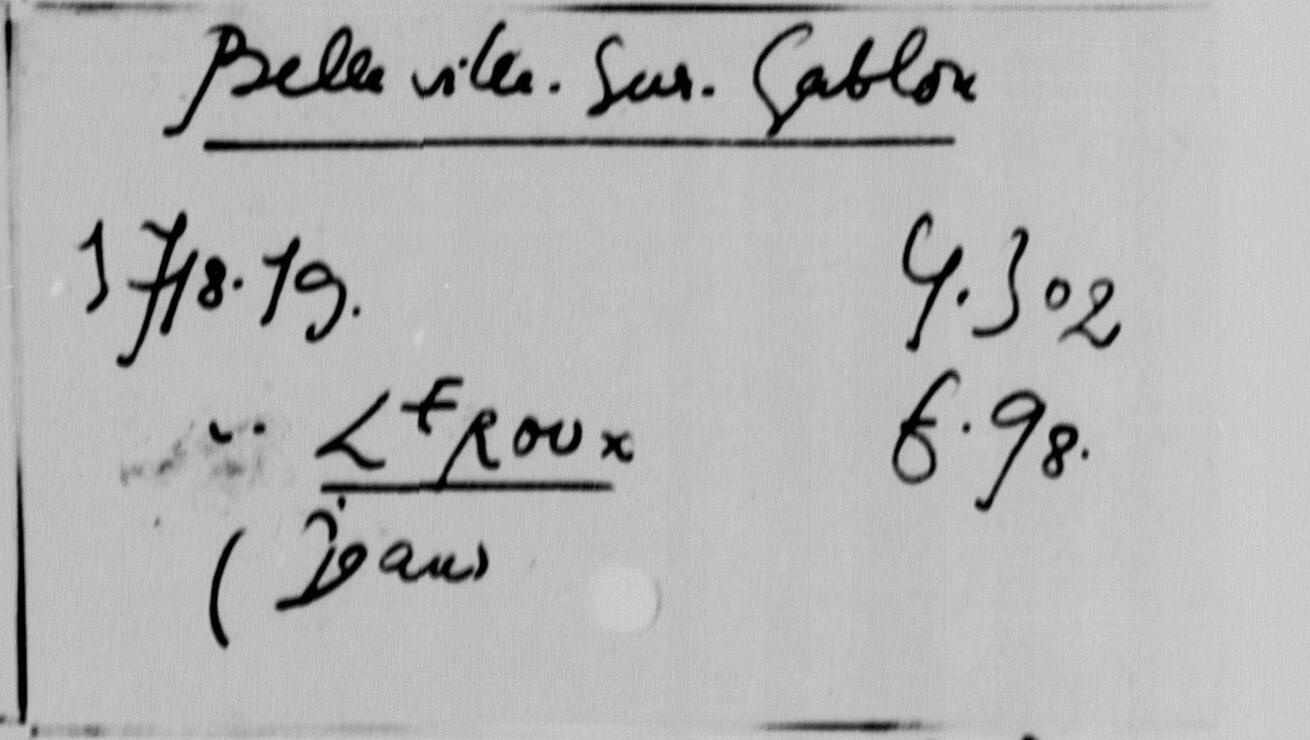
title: Belleville-sur-Sablon
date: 1718-1719
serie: Y
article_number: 302
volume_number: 98
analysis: Voir LEROUX (Jean)
